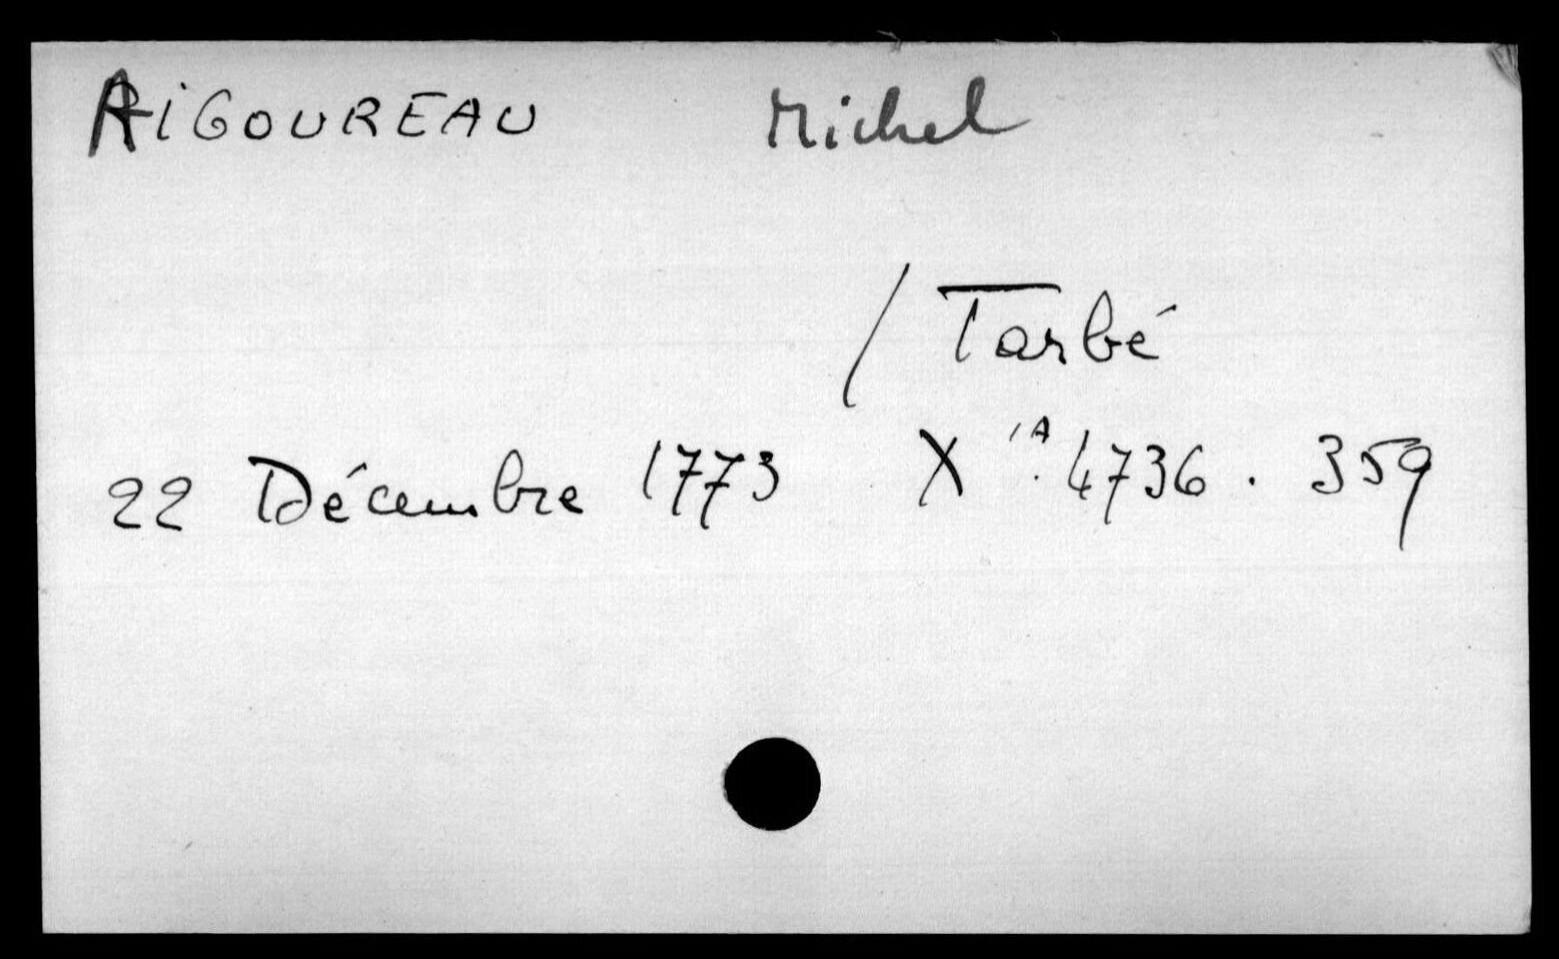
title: AIGOUREAU Michel
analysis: Contre Tarbé
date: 22 décembre 1773
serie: X1A
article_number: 4736
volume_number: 359
